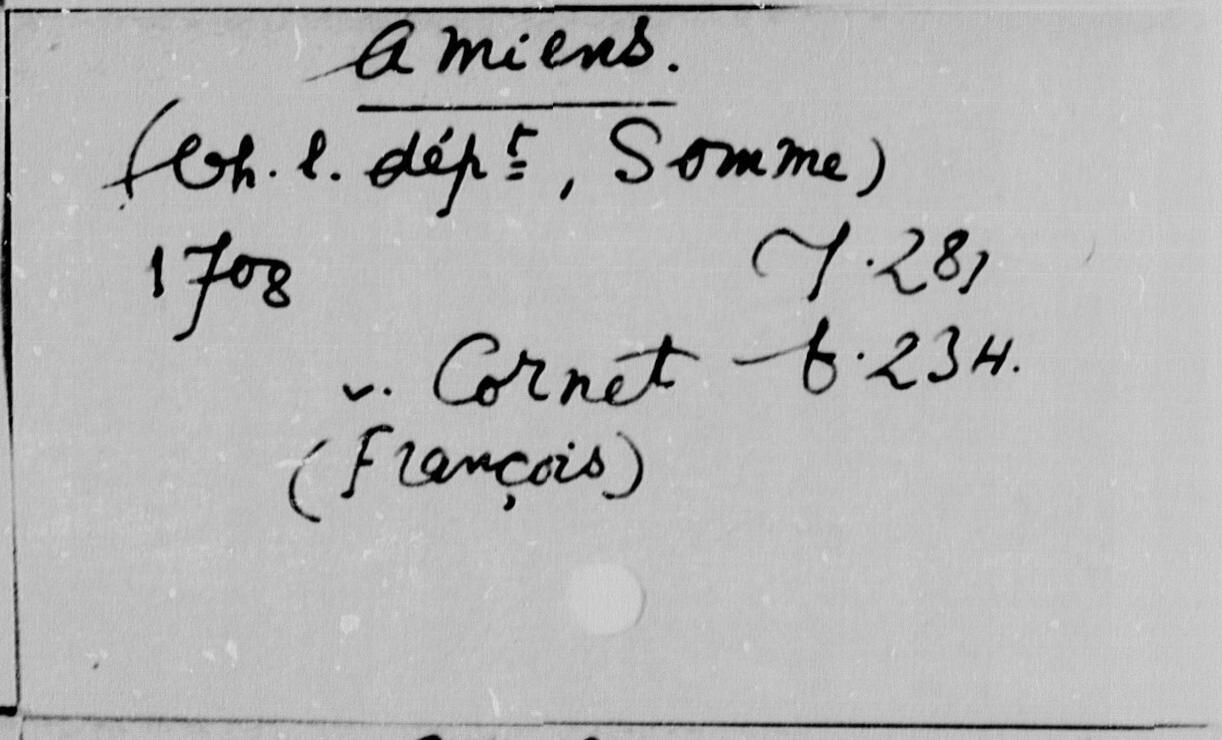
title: AMIENS (chef-lieu de département, département de la Somme)
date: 1708
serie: Y
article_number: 281
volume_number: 234
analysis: Voir CORNET (François)
